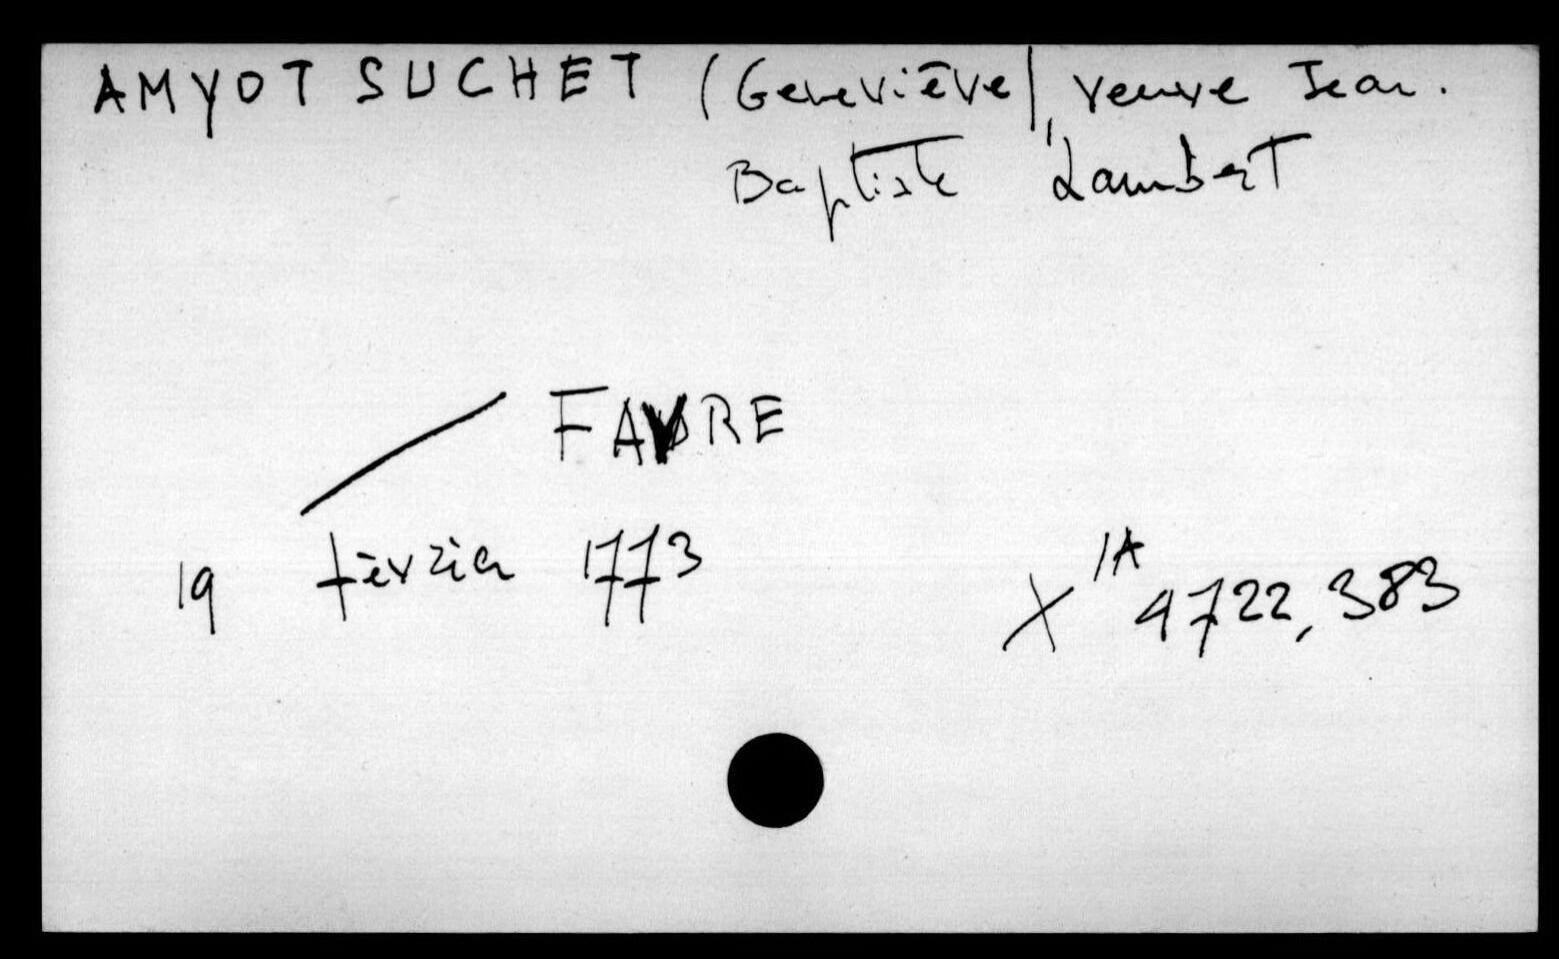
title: AMYOT SUCHET (Geneviève) Veuve Jean Baptiste Lambert
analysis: Contre FAVRE
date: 19 février 1773
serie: X1A
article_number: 4722
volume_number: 383
